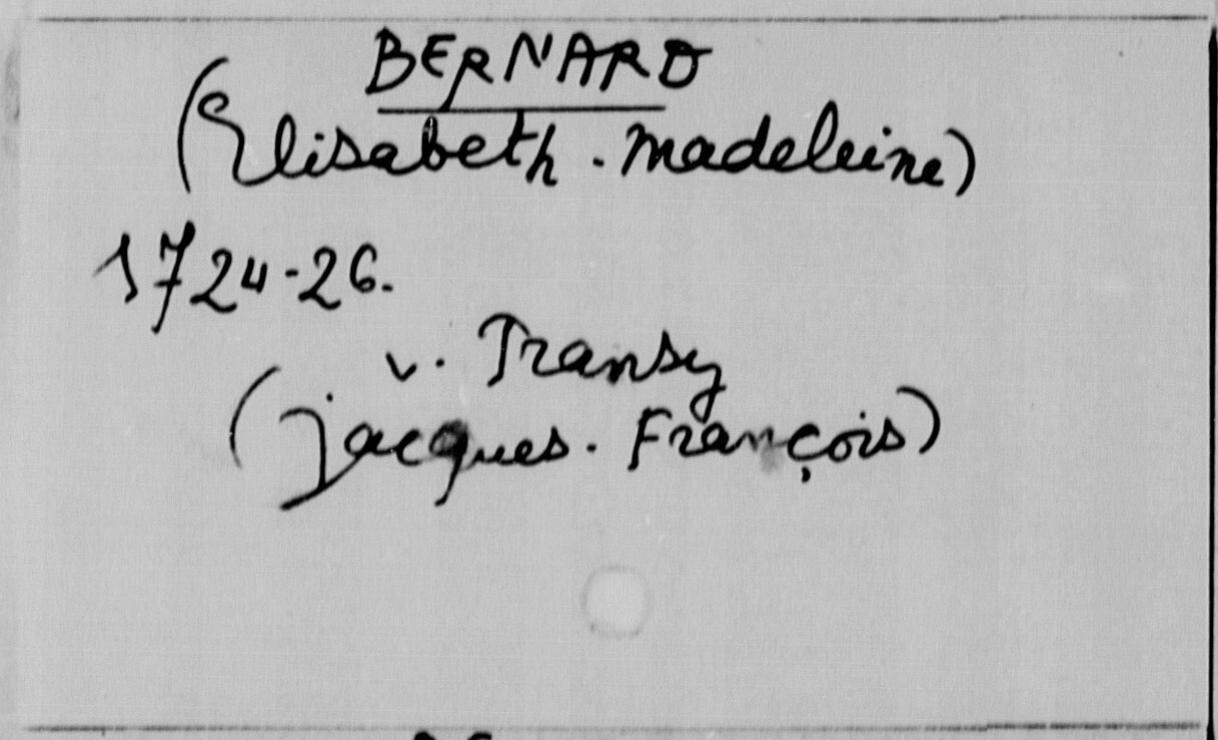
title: BERNARD (Élisabeth-Madeleine)
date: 1724-1726
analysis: Voir TRANSY (Jacques-François)
